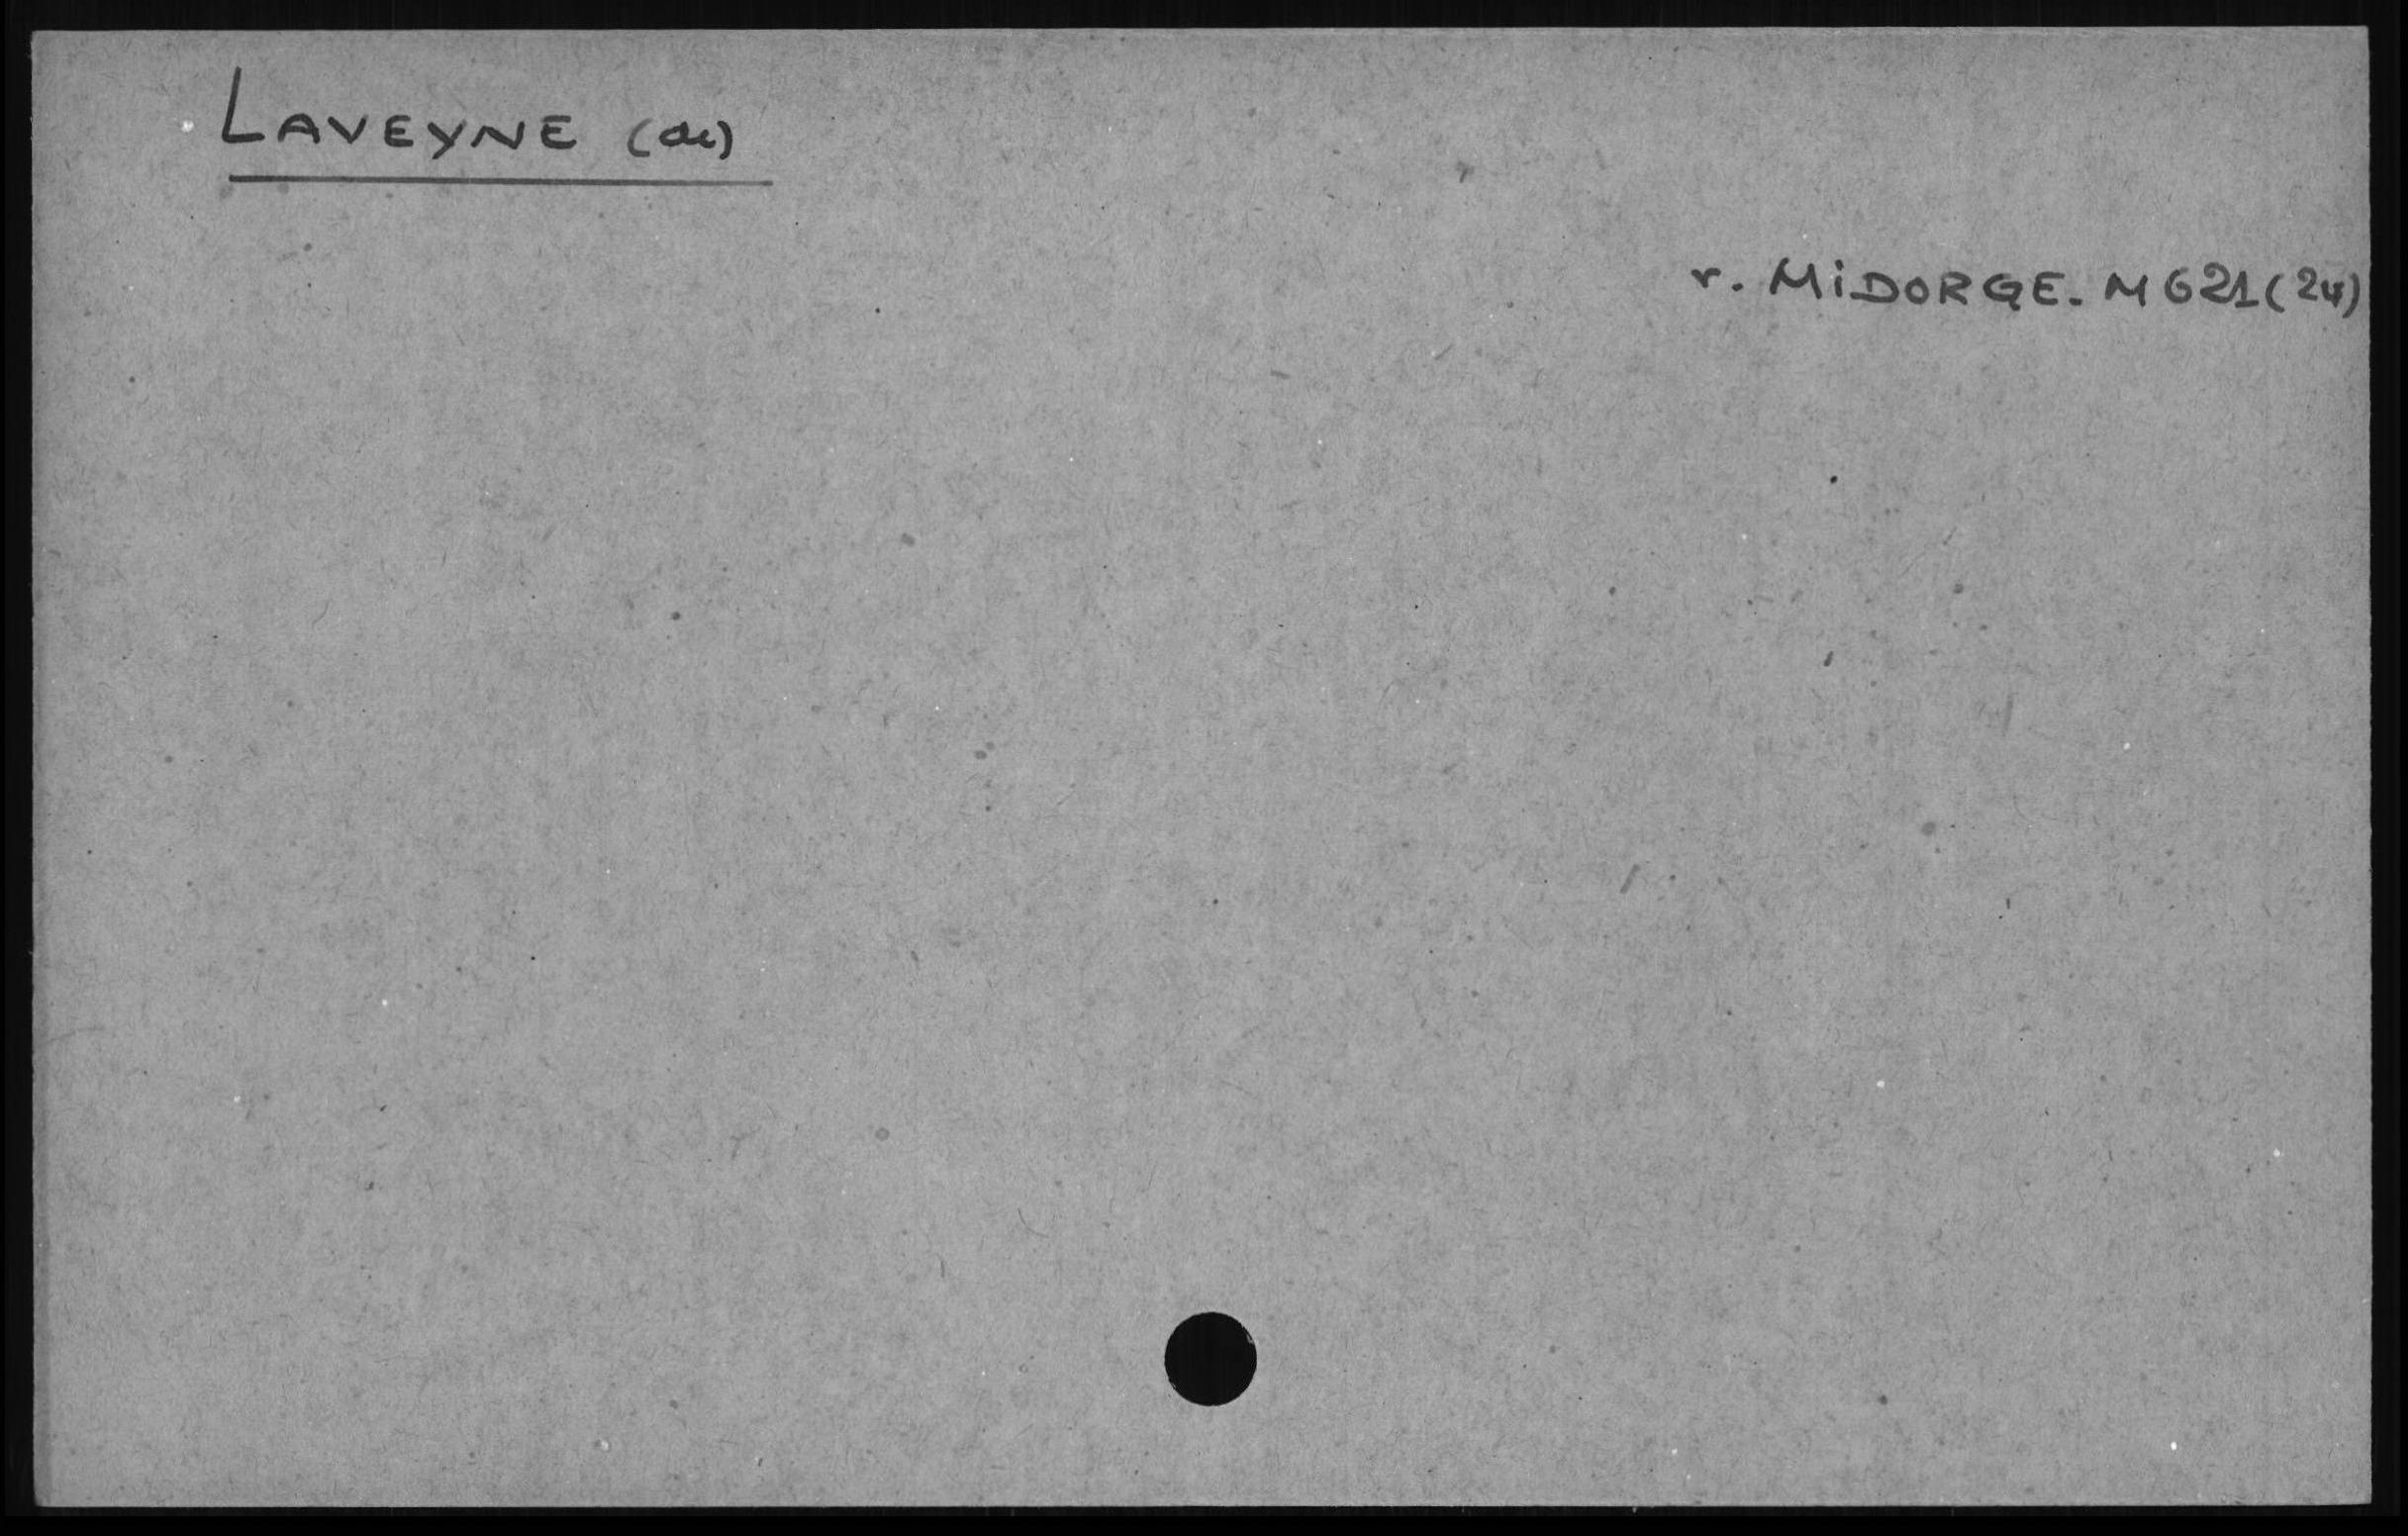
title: LAVEYNE (de)
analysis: voir : MIDORGE.
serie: M
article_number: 621
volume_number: (24)
